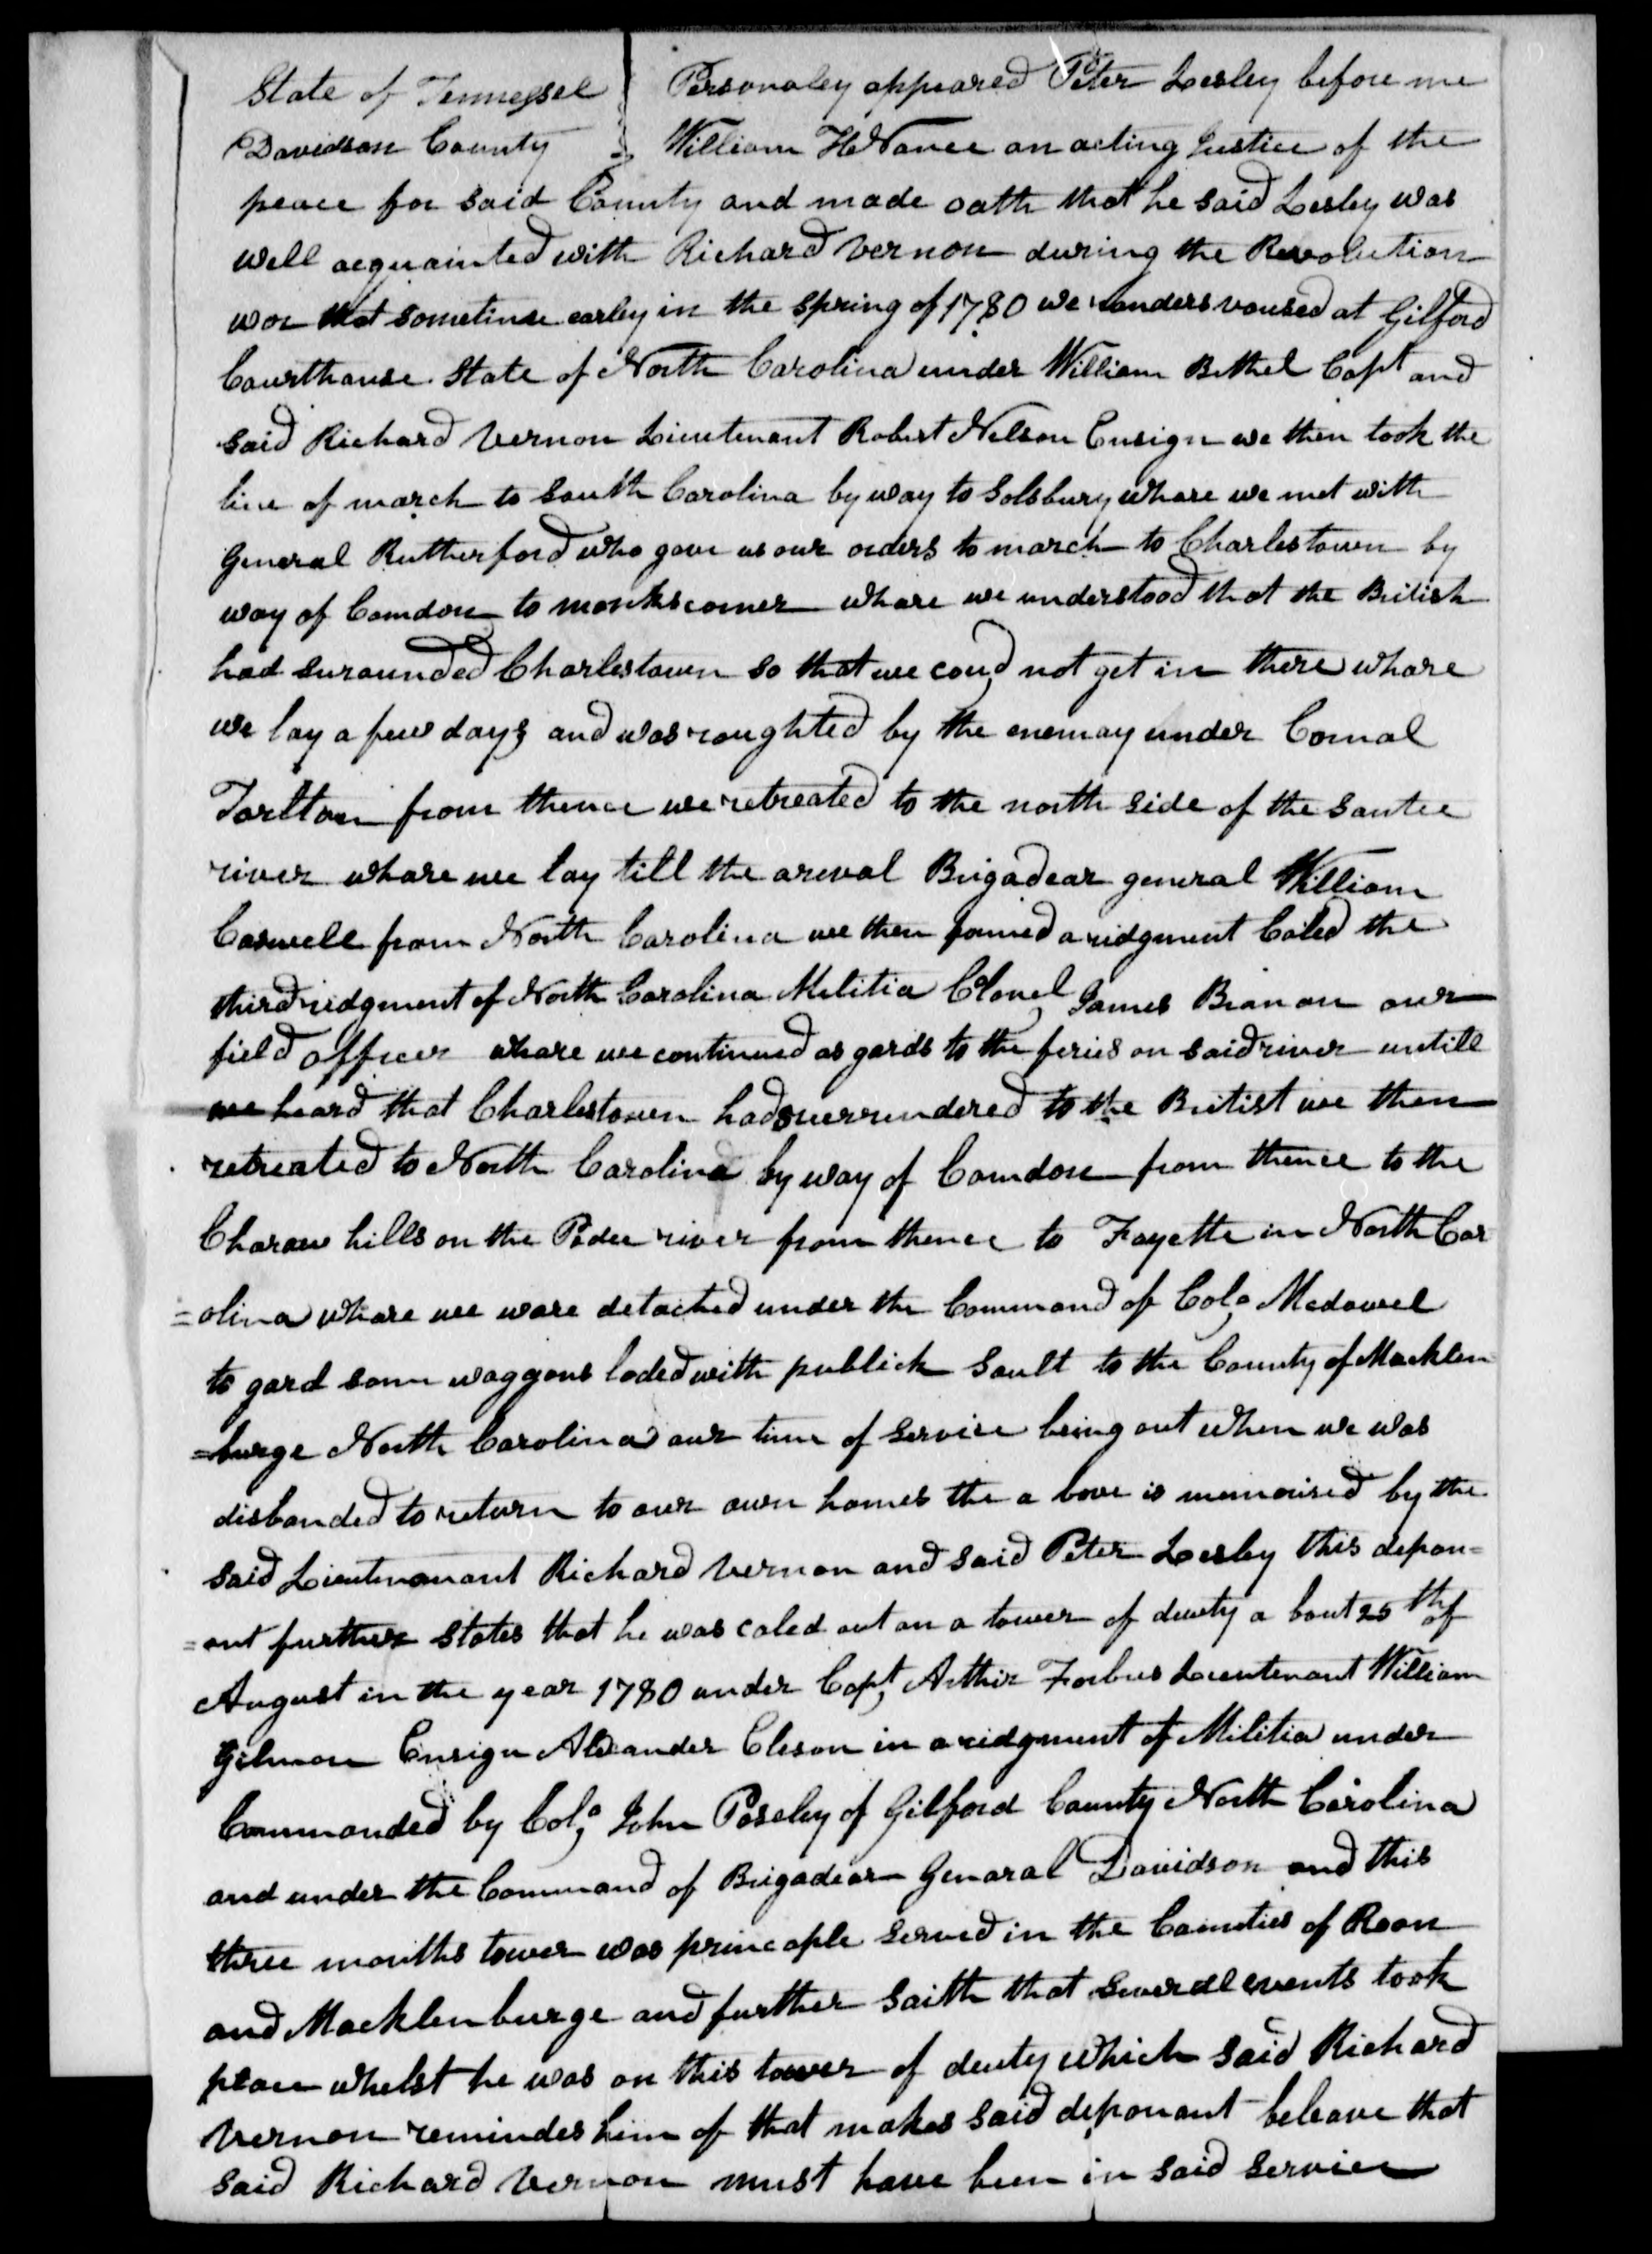State of Tennessee}
Davidson County}

Personally appeared Peter Lesley before me William H. Nance an acting Justice of the peace for Said County and made oath that he said Lesley was well acquainted with Richard Vernon during the Revolution war that sometime early in the Spring of 1780 we [illegible] at Gilford  Courthouse State of North Carolina under William Bethel Capt and said Richard Vernon Lieutenant Robert Nelson Ensign we then took the line of march to South Carolina by way to Solsbury whare we met with General Rutherford who gave us our orders to march to Charlestown by way of Camdon to monks corner whare we understood that the  British had surounded Charlestown so that we coud not get in there whare we lay a few dayz and was roughted by the enemy under Cornal Tarlton from thence we retreated to the north side of the Santee river whare we lay till the arival Brigadear general William Caswell from North Carolina we then joined a ridgament Caled the third ridgement of North Carolina Militia Colonel James Bianou our field officer whare we continued as gards to the feries on said river – untill we heard that Charlestown had surrendered to the British we then retreated to North Carolina by way of Camdon from thence to the Charaw hills on the Padee river from thence to Fayette in North Carolina whare we ware detached under the Command of Col. McDowell to gard some waggons loded with publick Sault to the County of Mecklenburg North Carolina our time of service being out when we was disbanded to return to our own homes the above is [illegible] the said Lieutenant Richard Vernon and Said Peter Lesly this deponent further states that he was caled out on a tower of duty about 25th of August in the year 1780 under Capt ArthirForbus Lieutenant William Gilmore Ensign Alexander Elson in a ridgement  of Militia under Commanded by Col. John Pasely of Gilford County North Carolina and under the Command of Brigadear General Davidson, and this three months tower was princable  served in the Counties of Roan and Macklenburge and further Saith that several events took place whelst he was on this tower of duty which said Richard Vernon remindes  him of that makes said deponent – believe that said Richard Vernon must have been in said service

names: Robert Nelson, William Gilmore, Peter Lesley, Peter Lesley, William H Nance, Richard Vernon, Davidson, Rutherford, Arthur Forbus, Richard Vernon, Tarlton, James Branon, John Paseley, Richard Vernon, Richard Vernon, William Caswell, William Bethel, Lesley, Richard Vernon, Alexander Eleson, Mcdowel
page: 104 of 105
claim: survivor's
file: S. 1883, Richard Vernon, N.C.